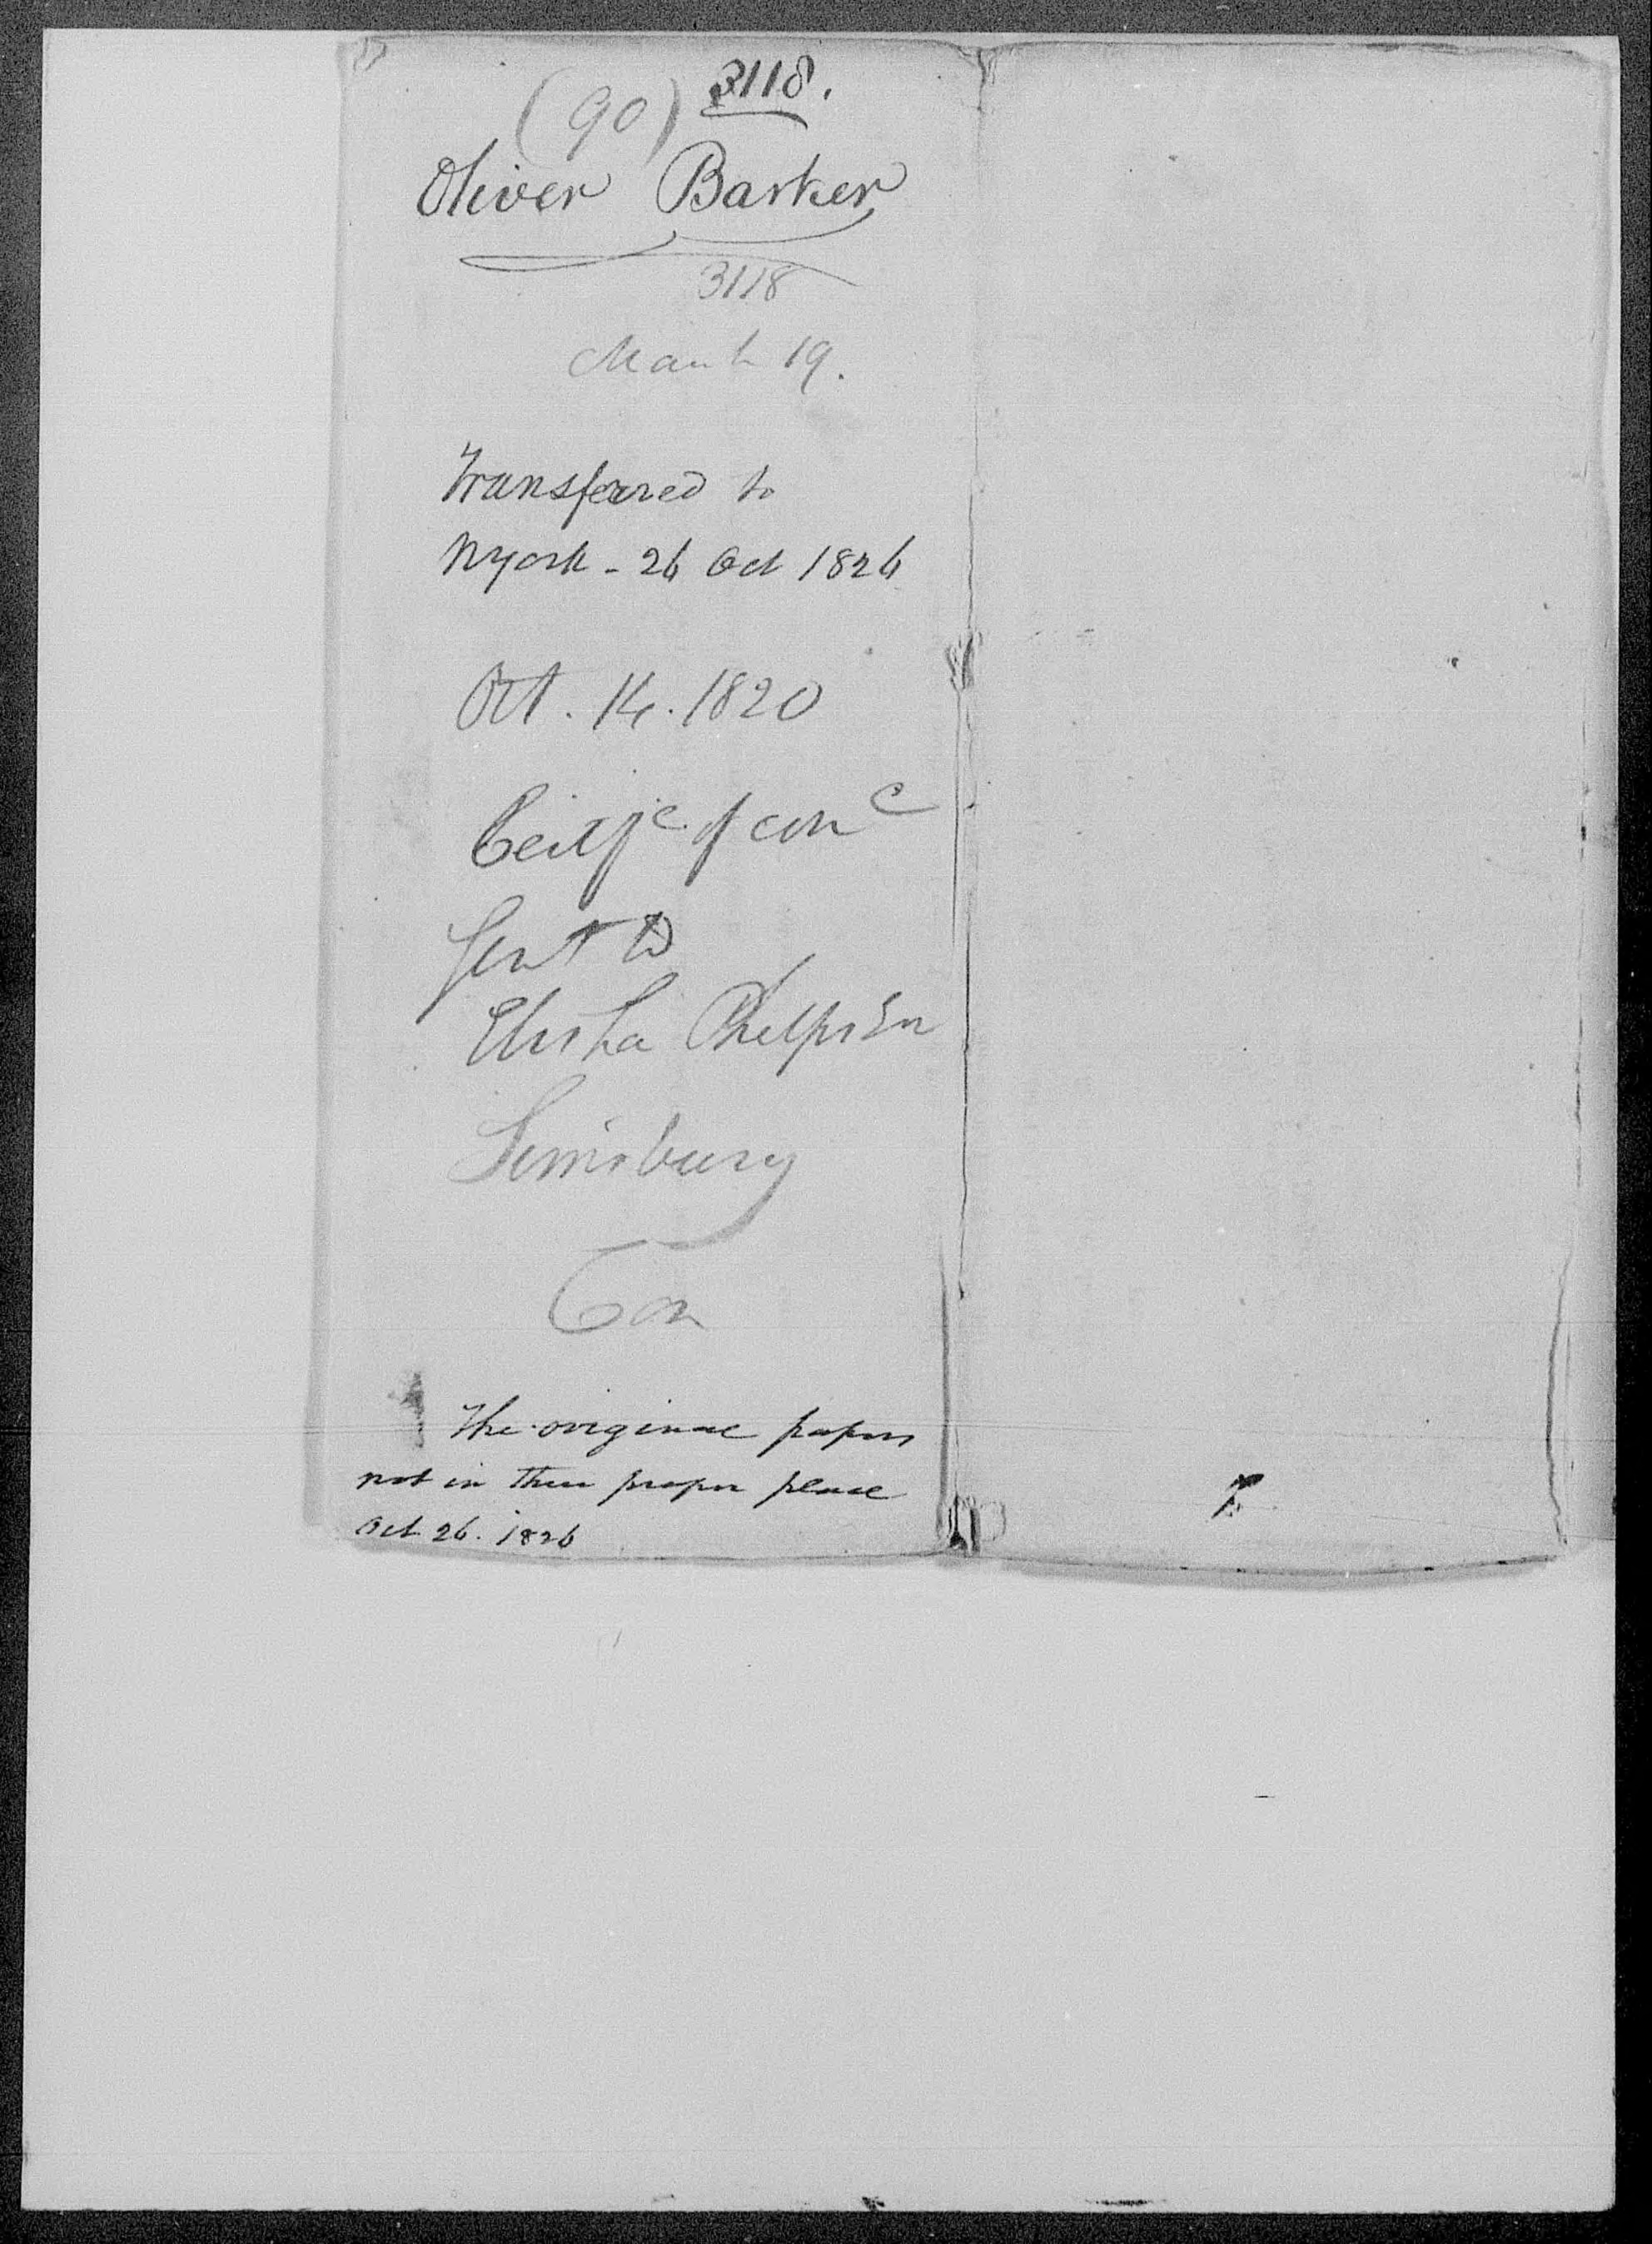(90)   3118   
Oliver Barker 
3118 
March 19 
Transferred to N. York 26 Oct 1826 
Oct 14 1820 
Certif of con sent to Elisha Phelps in Simsbury Con 
The original papers not in their proper place Oct 26, 1826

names: Elisha Phelps, Oliver Barker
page: 15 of 51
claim: widow's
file: W. 1698, Oliver Barker, Conn.